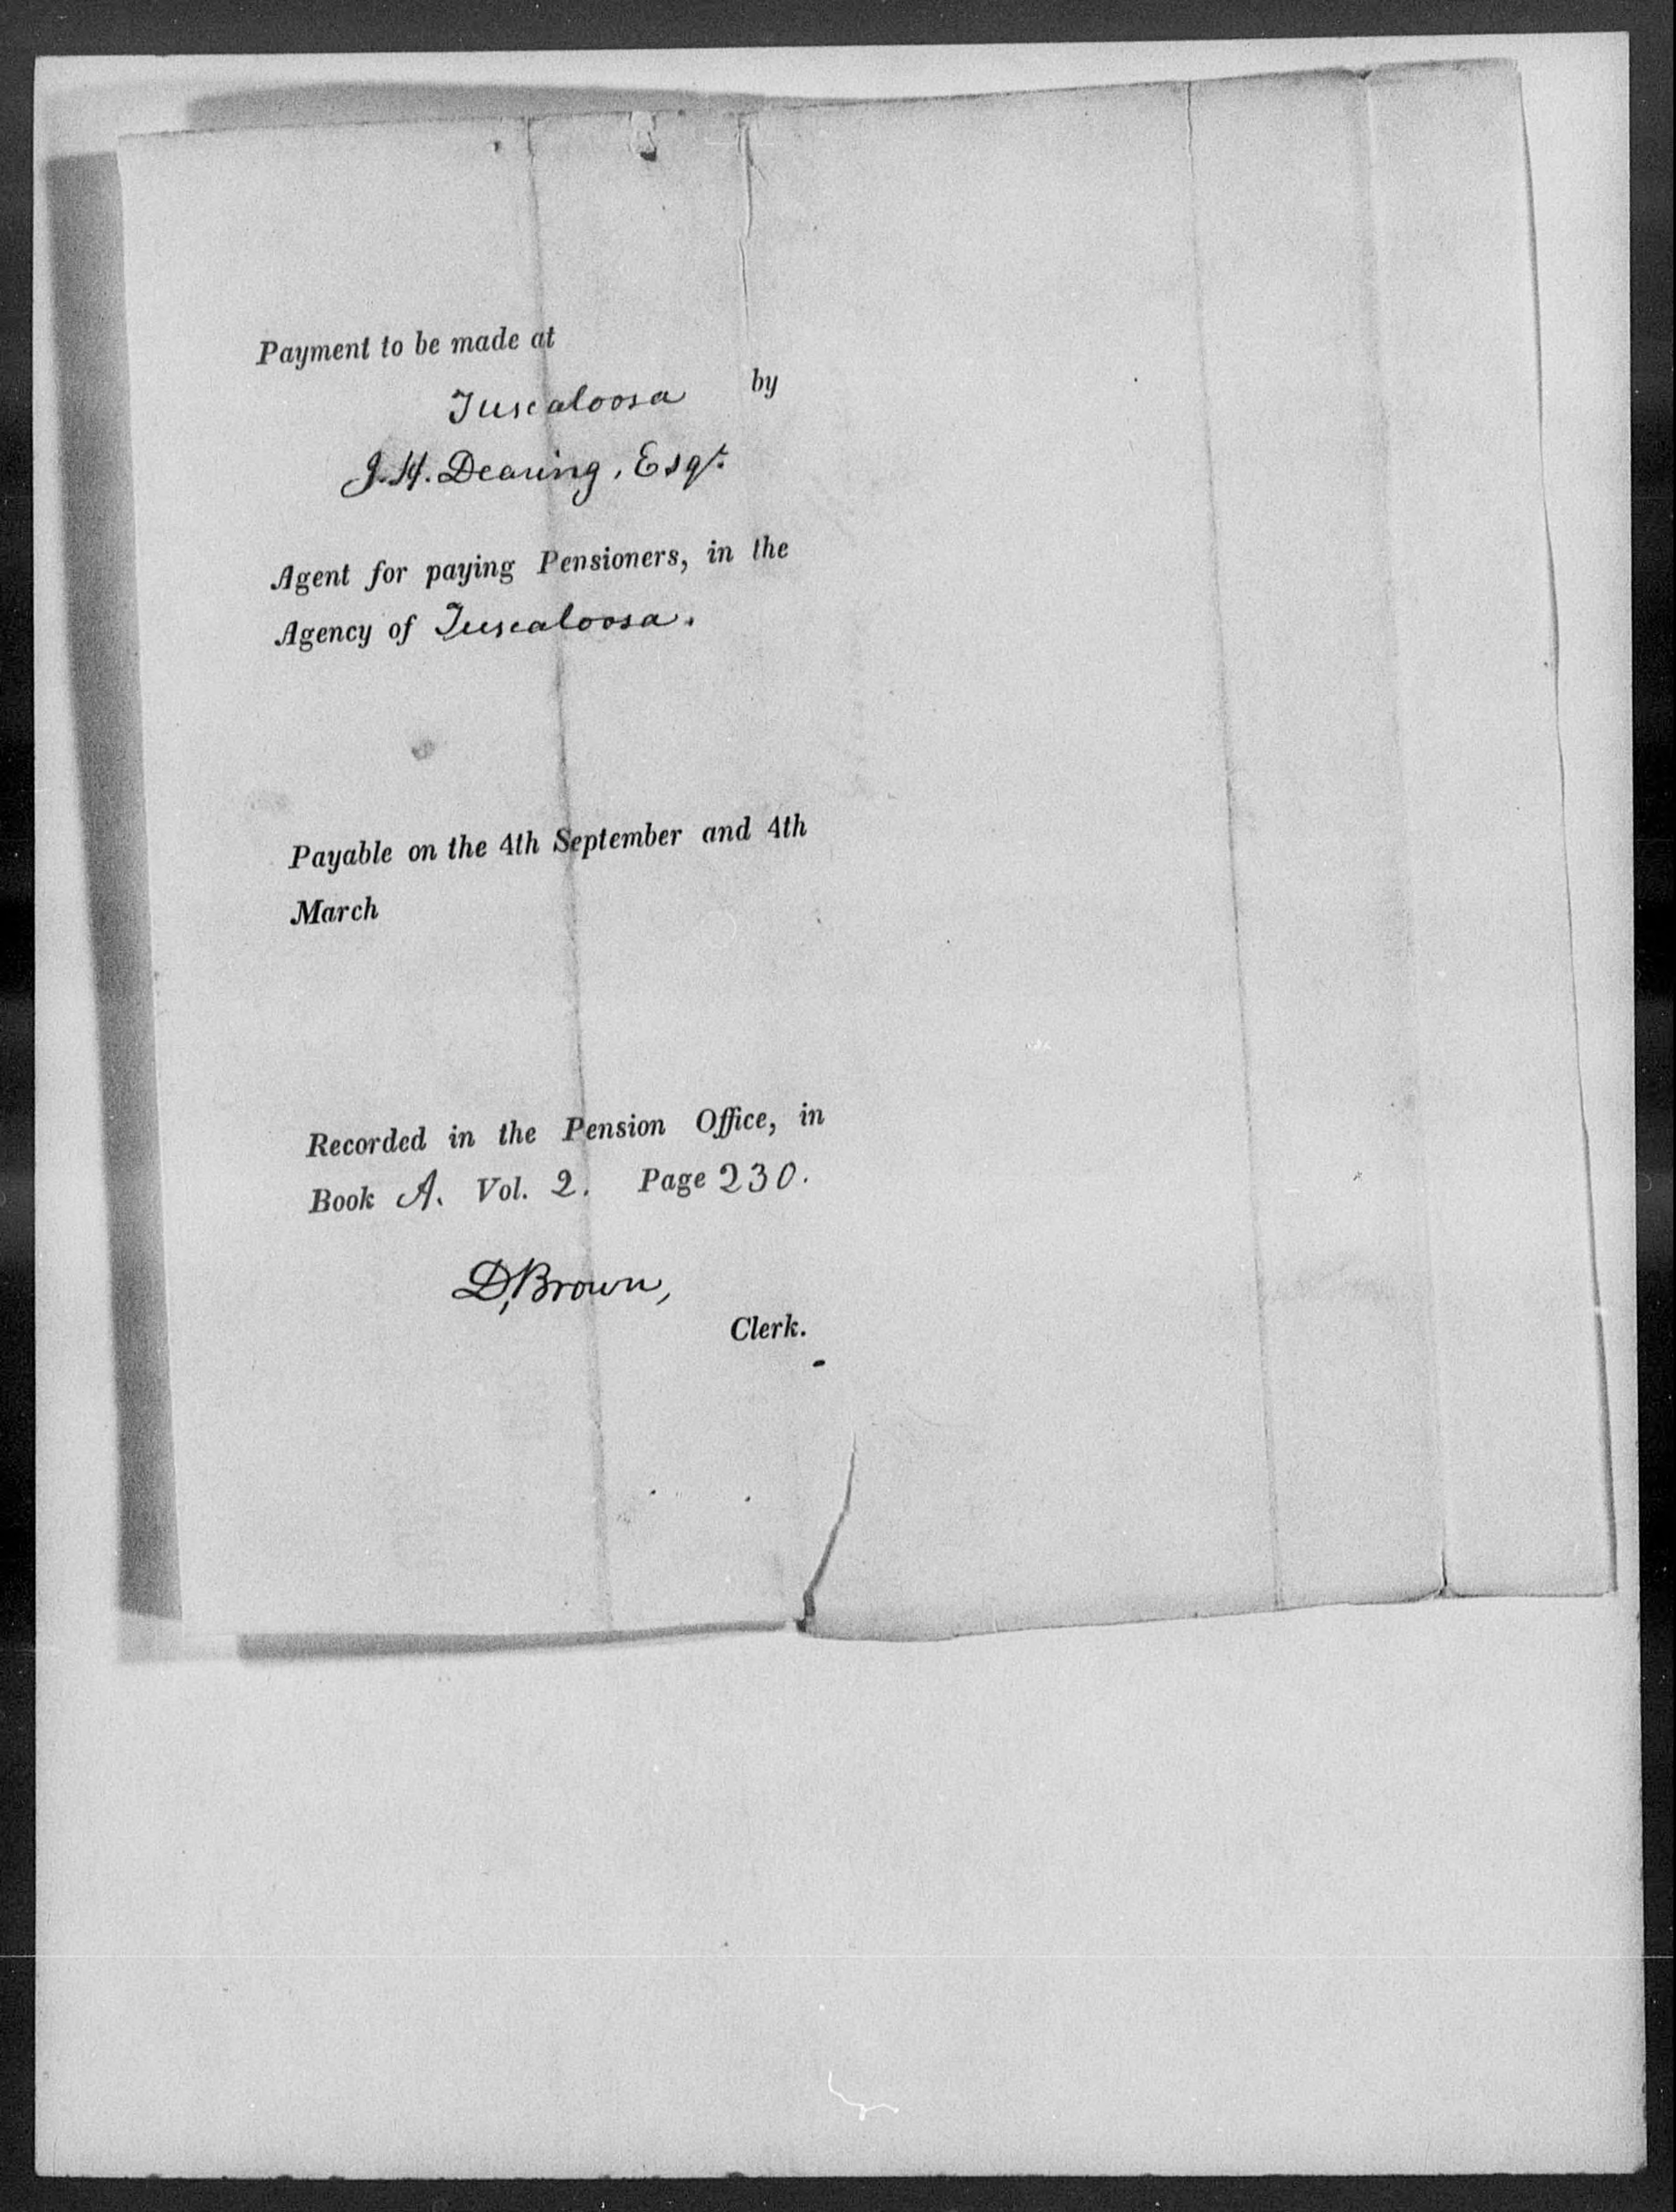Payment to be made at
Tuscaloosa.   by
J. H. Dearing, Esqr
Agent for paying Pensions, in the
Agency of Tuscaloosa
Payable on the 4th September and 4th
March
Record in the Pension Office, in
Book A. Vol. 2. Page 230.
D. Brown,
Clerk.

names: D Brown, J H Dearing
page: 33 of 91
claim: widow's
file: W. 10576, Francis Carlisle, S.C.